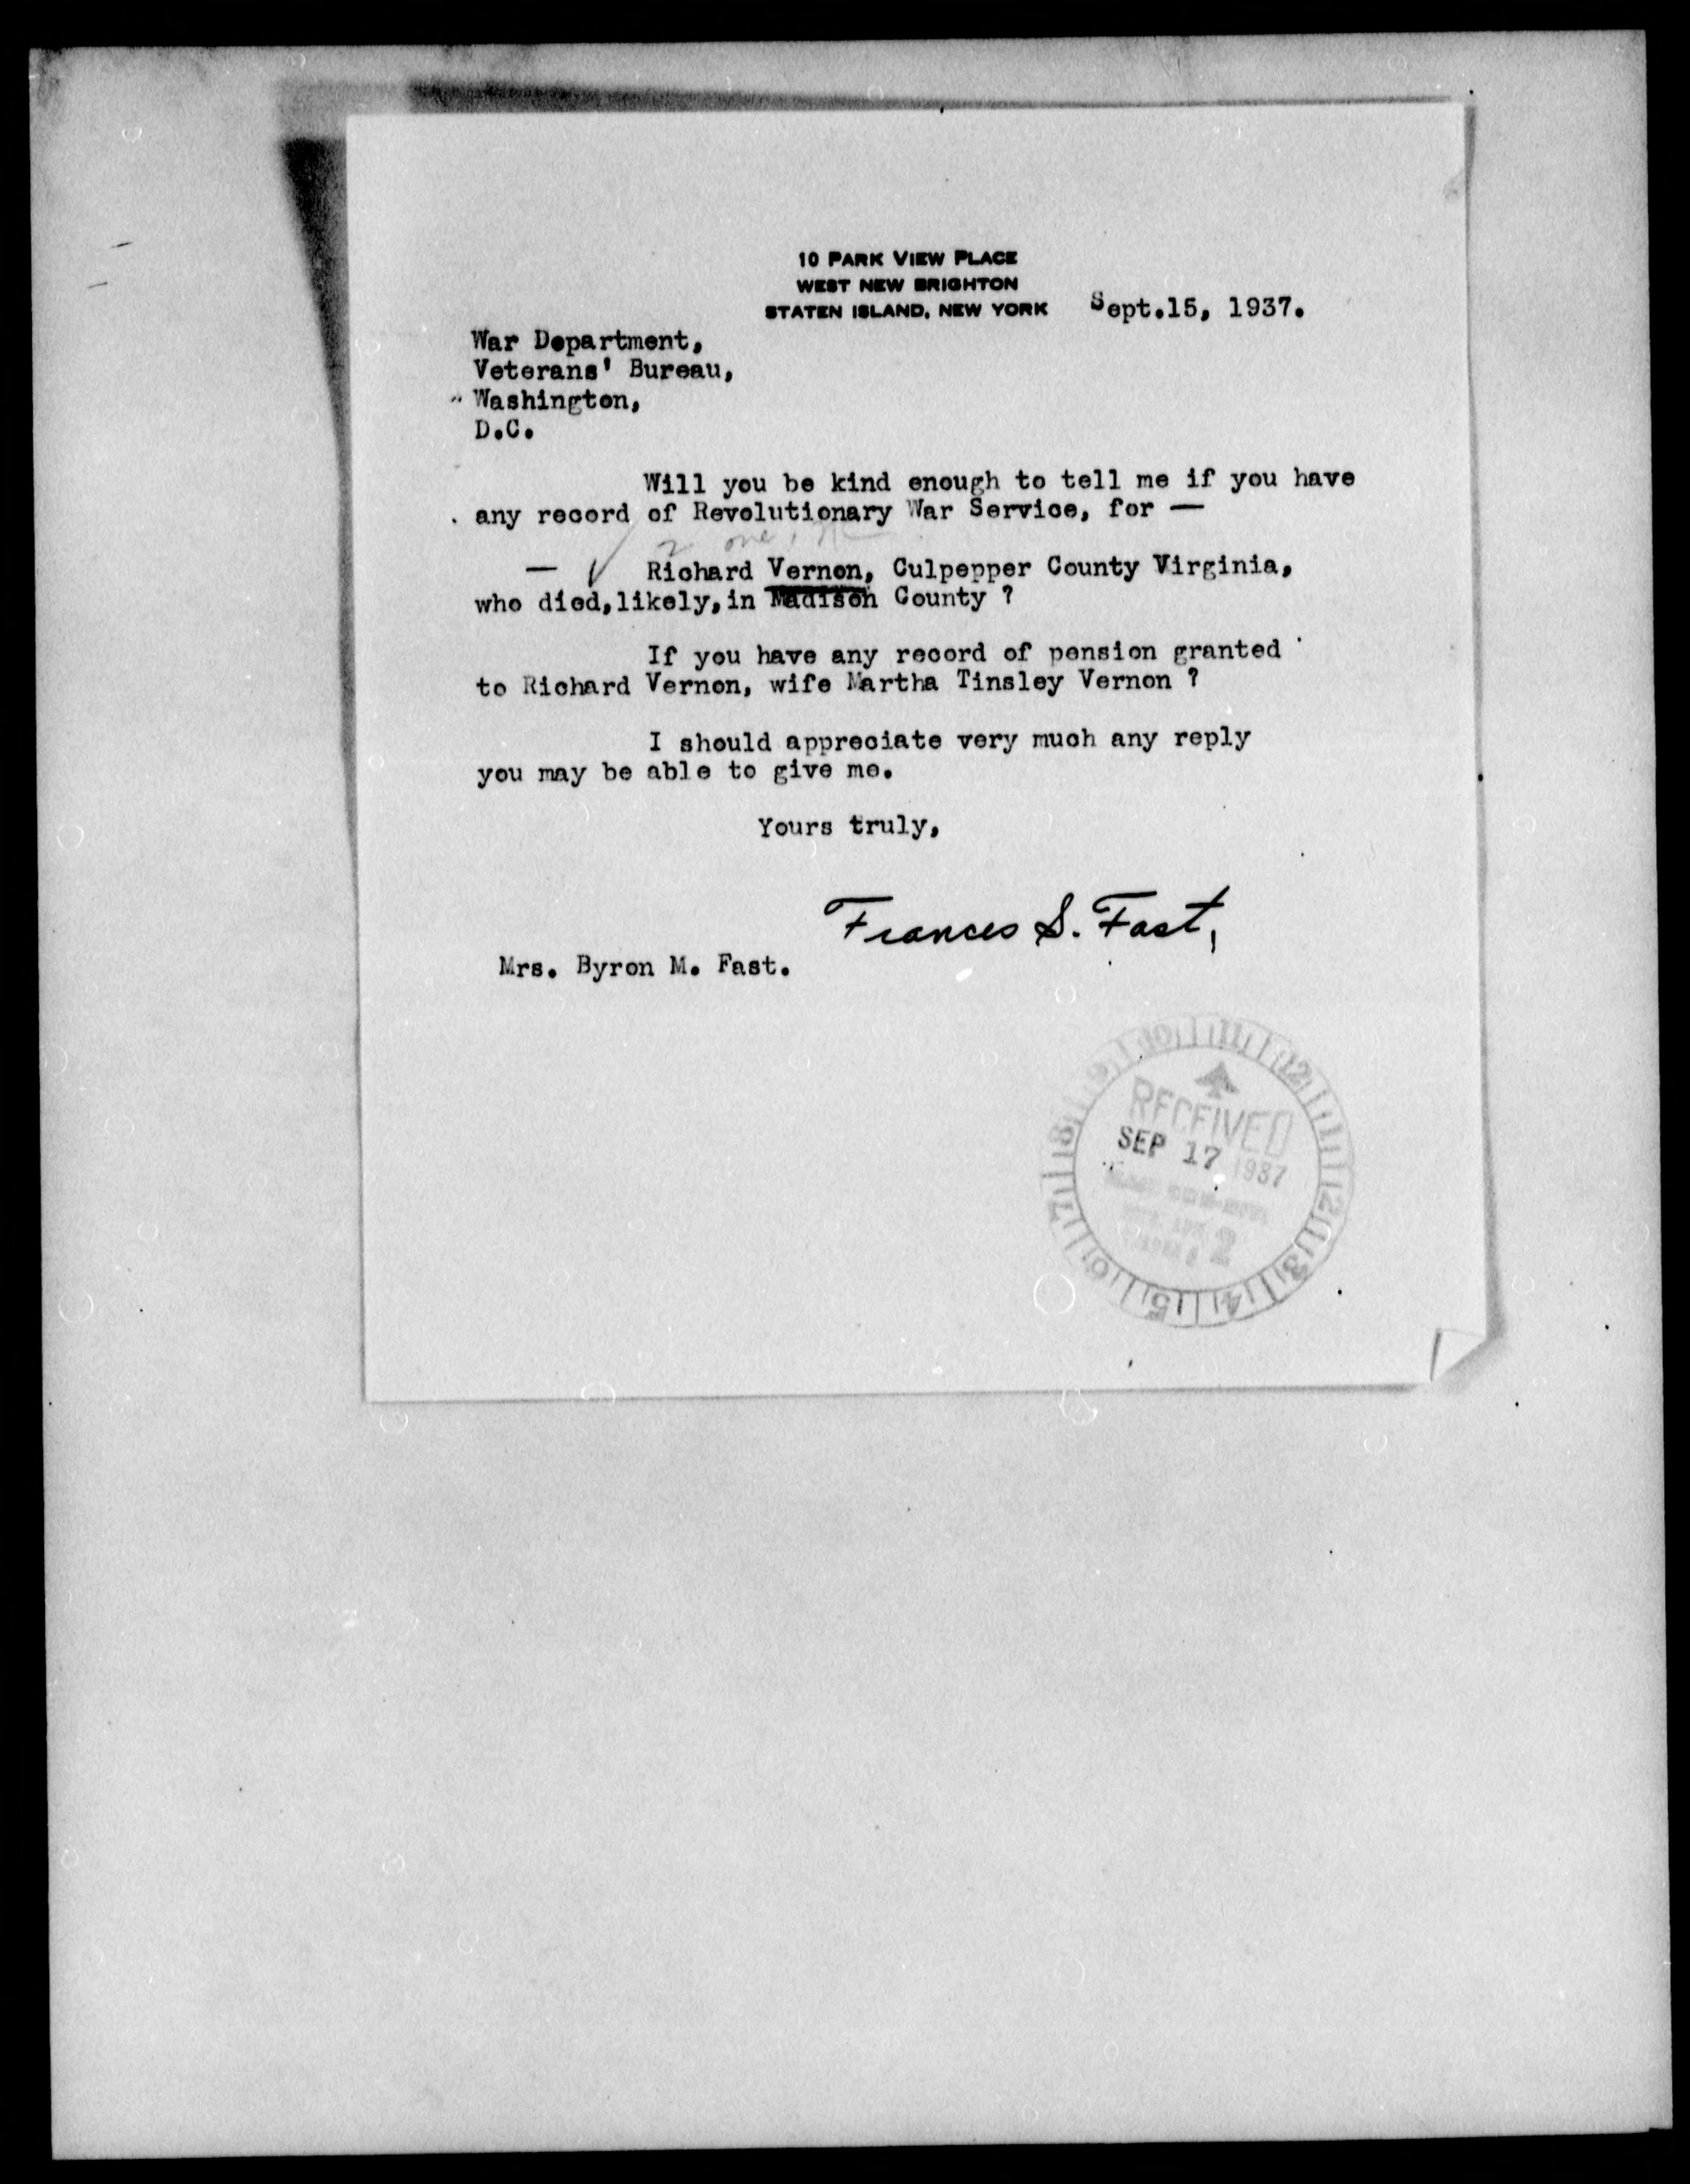10 PARK VIEW PLACE
WEST NEW BRIGHTON
STATEN ISLAND, NEW YORK

Sept. 15, 1937.

War Department,
Veterans' Bureau,
Washington, D. C. 
Will you be kind enough to tell me if you have any record of Revolutionary War Service, for -

- Richard Vernon, Culpepper County Virginia, who died, likely, in Madison County?

If you have any record of pension granted to Richard Vernon, wife Martha Tinsley Vernon?

I should appreciate very much any reply you may be able to give me.

Yours truly,
Frances S. Fast,
Mrs. Byron  M. Fast.

Circular seal: RECEIVED SEP 17 1937 @ 11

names: Frances S Fast, Richard Vernon, Martha Tinsley Vernon, Richard Vernon, Byron M Fast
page: 91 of 105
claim: survivor's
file: S. 1883, Richard Vernon, N.C.